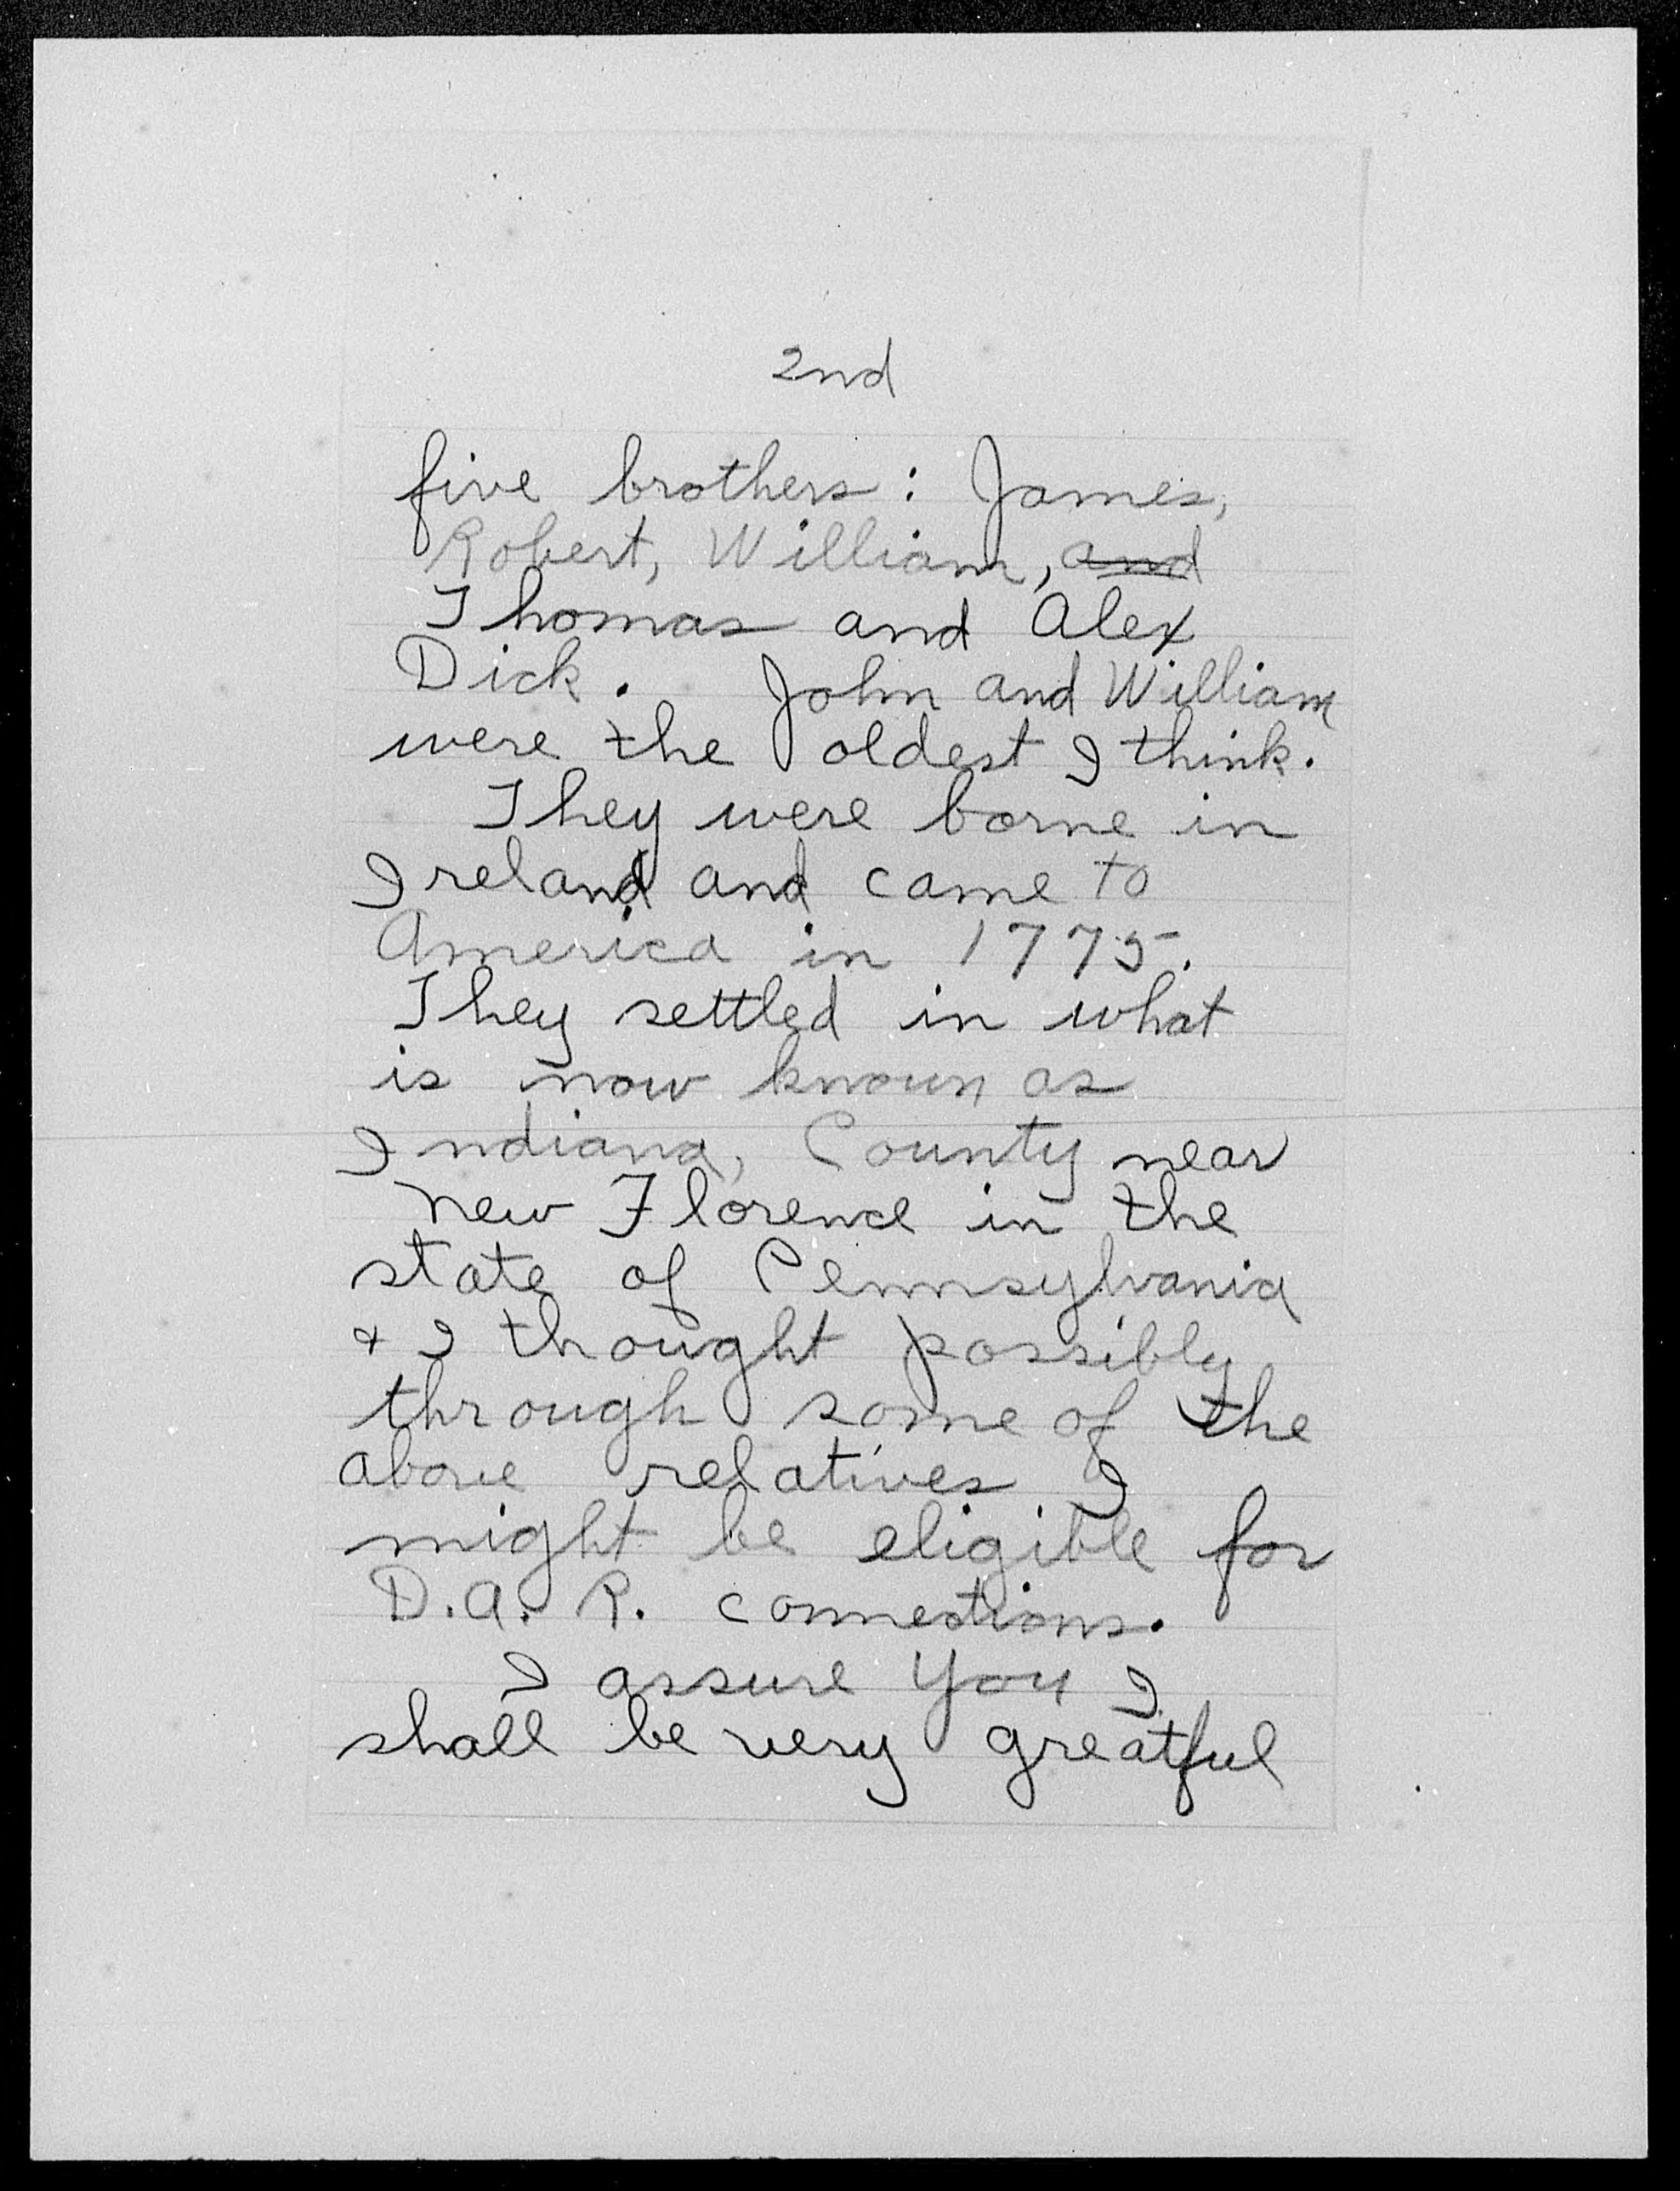2nd five brothers: James, Robert, William, and Thomas and Alex Dick. John and William were the oldest I think. They were borne in Ireland and came to America in 1775. They settled in what is now known as Indiana County near New Florence in the State of Pennsylvania & I thought possibly through some of above relatives I might be eligible for D.A. R. Connections. I assure you I shall be very greatful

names: William, James Dick, Alex Dick, John, Thomas Dick, Robert Dick, William Dick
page: 13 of 31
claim: widow's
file: W. 8668, John Dick, S C